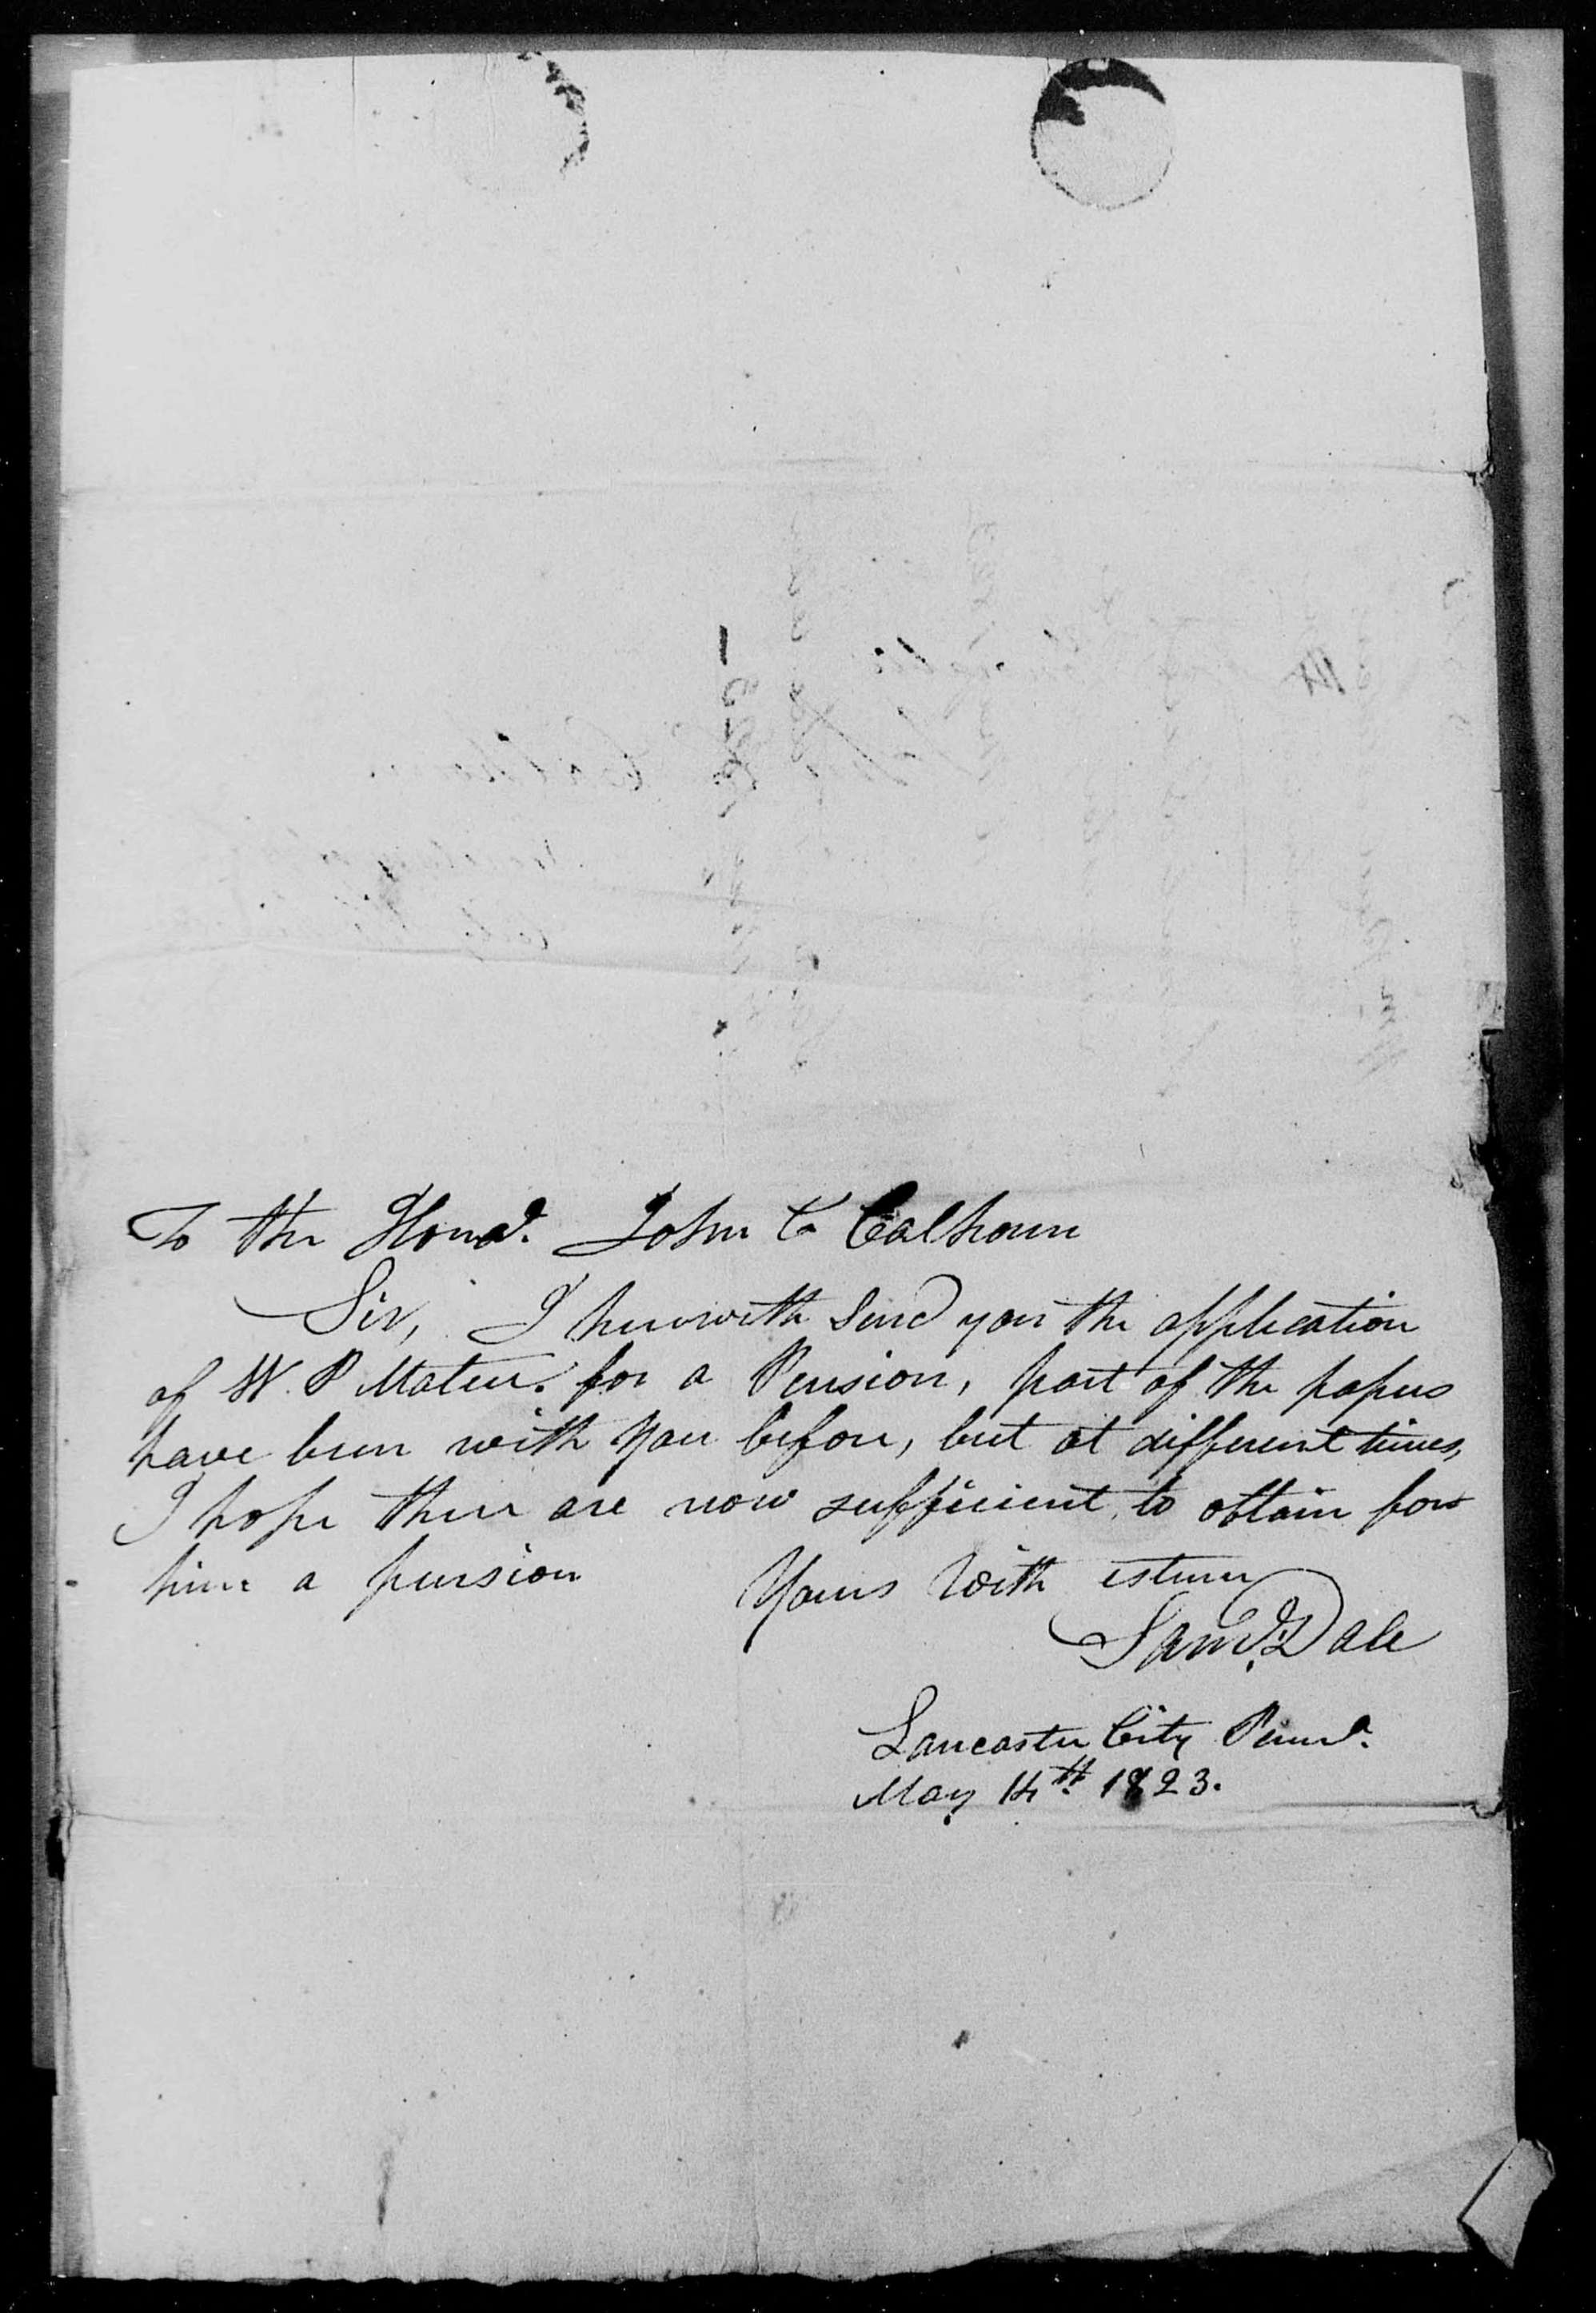To the Honorable John C. Calhoun

    Sir,  
       I herewith send you the application of W. P. Mateer for a pension, part of the papers have been with you before, but at different times. I hope they are now sufficient to obtain for him a pension.

Yours with esteem
        //s//
    Sam. dale

Lancaster City Penna
May 4th 1823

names: John C Calhoun; Sam Dale; W P Mateer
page: 12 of 14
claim: survivor's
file: S. 40242, for William Palmiteer, Pennsylvania